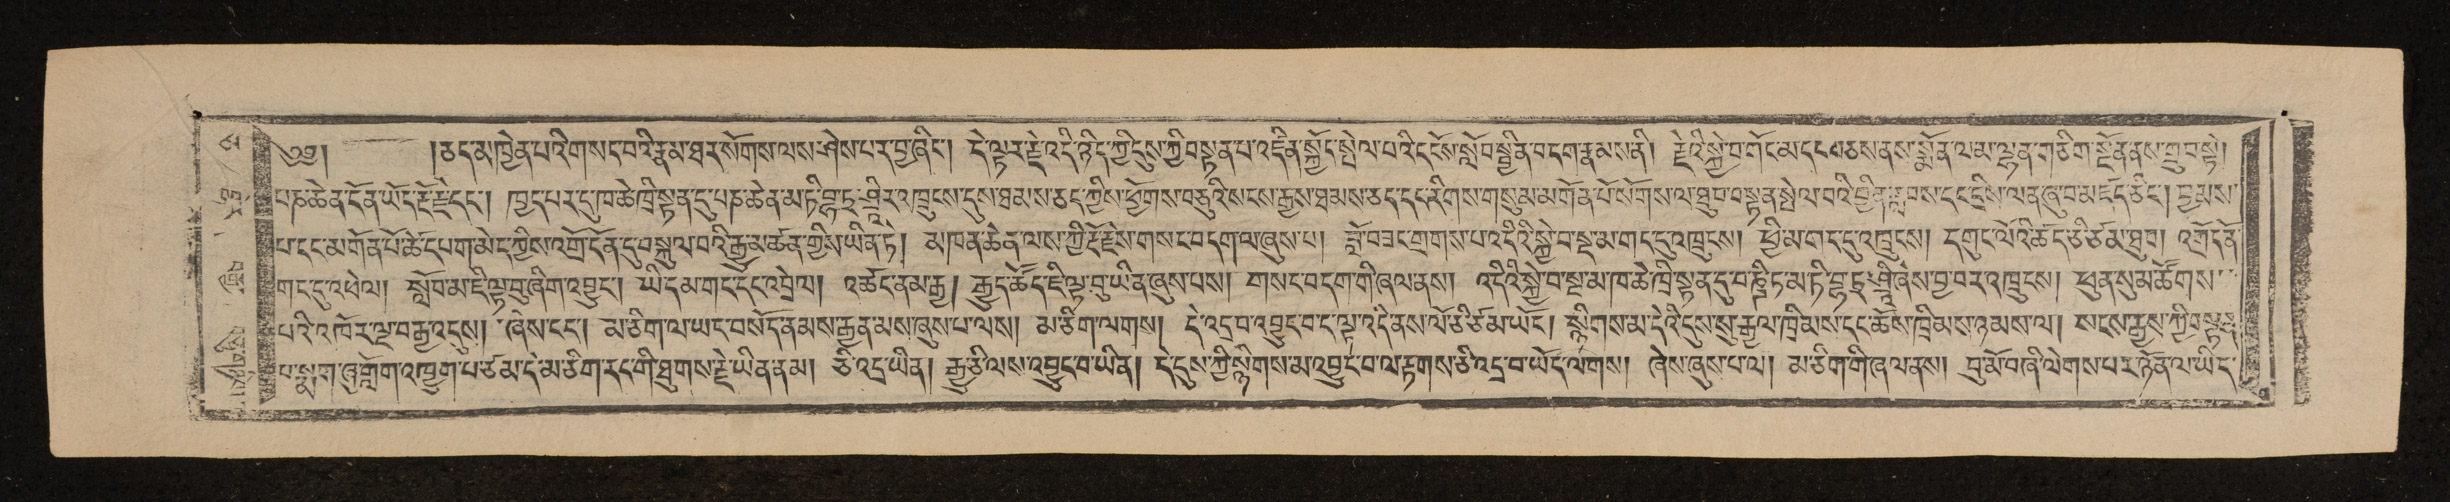༄༅། །ཅད་མཁྱེན་པའི་གསང་བའི་རྣམ་ཐར་སོགས་ལས་ཤེས་པར་བྱ་ཞིང་། དེ་ལྟར་རྗེ་འདི་ཉིད་ཀྱི་དུས་ཀྱི་བསྟན་པ་འཛིན་སྐྱོང་སྤེལ་པའི་དངོས་སློབ་སྦྱིན་བདག་རྣམས་ནི། རྗེའི་སྐྱེ་བ་གོང་མ་དང་བཅས་ནས་སྨོན་ལམ་ལྷན་གཅིག་སྔོན་ནས་གྲུབ་སྟེ།
པཎ་ཆེན་དོན་ཡོད་རྡོ་རྗེ་དང་། ཁྱད་པར་དུ་ཁ་ཆེ་ཁྲི་སྟན་དུ་པཎ་ཆེན་མ་ཏི་བྷ་ཏྲ་ཤྲཱིར་འཁྲུངས་དུས་ཐམས་ཅད་ཀྱིས་ཕྱོགས་བཅུའི་སངས་རྒྱས་ཐམས་ཅད་དང་རིགས་གསུམ་མགོན་པོ་སོགས་ལ་ཐུབ་བསྟན་སྤེལ་བའི་བྱིན་རླབས་དང་དྲིས་ལན་ཞུ་བ་མཛད་ཅིང་། བྱམས་
པ་དང་མགོན་པོ་ཚེ་དཔག་མེད་ཀྱིས་འགྲོ་དོན་དུ་བསྐུལ་བའི་རྒྱུ་མཚན་གྱིས་ཡིན་ཏེ། མཁན་ཆེན་ལས་ཀྱི་རྡོ་རྗེས་གསང་བདག་ལ་ཞུས་པ། བློ་བཟང་གྲགས་པ་འདིའི་སྐྱེ་བ་སྔ་མ་གང་དུ་འཁྲུངས། ཕྱི་མ་གང་དུ་འཁྲུངས། དགུང་ལོའི་ཚད་ཅི་ཙམ་ཐུབ། འགྲོ་དོན་
གང་དུ་འཕེལ། སློབ་མ་ཇི་ལྟ་བུ་ཞིག་འབྱུང་། ཡི་དམ་གང་དང་འབྲེལ། འཚང་ནམ་རྒྱ། རྒྱུད་ཚོད་ཇི་ལྟ་བུ་ཡིན་ཞུས་པས། གསང་བདག་གི་ཞལ་ནས། འདིའི་སྐྱེ་བ་སྔ་མ་ཁ་ཆེ་ཁྲི་སྟན་དུ་པཎྜི་ཏ་མ་ཏི་བྷ་ཏྲ་ཤྲཱི་ཞེས་བྱ་བར་འཁྲུངས། ཕུན་སུམ་ཚོགས་
པའི་འཁོར་ལྔ་བརྒྱ་འདུས། ཞེས་དང་། མ་ཅིག་ལ་ཡང་བསོད་ནམས་རྒྱན་མས་ཞུས་པ་ལས། མ་ཅིག་ལགས། དེ་འདྲ་བ་འབྱུང་བ་ད་ལྟ་འདི་ནས་ལོ་ཅི་ཙམ་ཡོད། སྙིགས་མ་དེའི་དུས་སུ་རྒྱལ་ཁྲིམས་དང་ཆོས་ཁྲིམས་ཉམས་ལ། སངས་རྒྱས་ཀྱི་བསྟན་
པ་སྨག་ཏུ་གློག་འཁྱུག་པ་ཙམ་དེ་མ་ཅིག་རང་གི་ཐུགས་རྗེ་ཡིན་ནམ། ཅི་འདྲ་ཡིན། རྒྱུ་ཅི་ལས་འབྱུང་བ་ཡིན། དེ་དུས་ཀྱི་སྙིགས་མ་འབྱུང་བ་ལ་རྟགས་ཅི་འདྲ་བ་ཡོད་ལགས། ཞེས་ཞུས་པ་ལ། མ་ཅིག་གི་ཞལ་ནས། བུ་མོ་བཞི་ལེགས་པར་ཉོན་ལ་ཡིད་